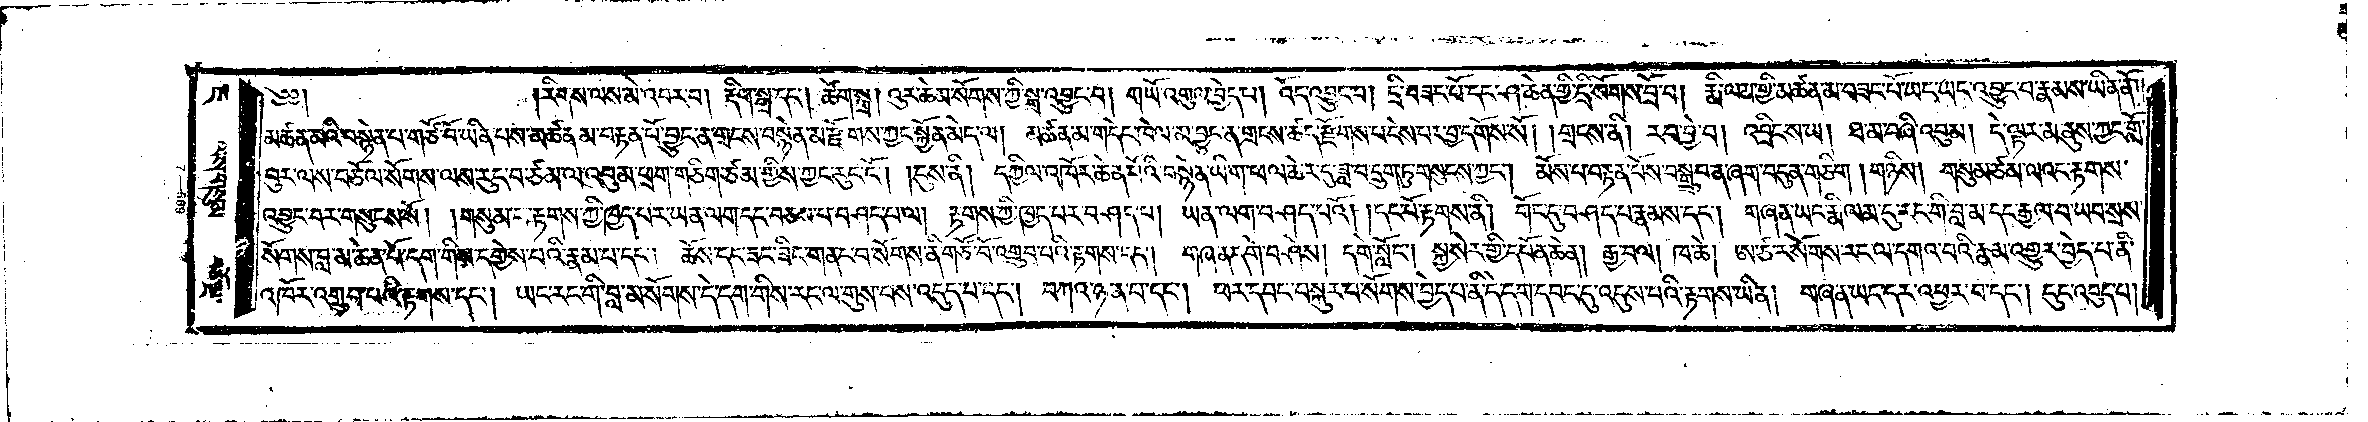༄༅། །རིགས་ལས་མེ་འབར་བ། རྡིག་སྒྲ་དང་། ཚིག་སྒྲ། འུར་ཆེམ་སོགས་ཀྱི་སྒྲ་འབྱུང་བ། གཡོ་འགུལ་བྱེད་པ། འོད་འབྱུང་བ། དྲི་བཟང་པོ་དང་ཤ་ཆེན་གྱི་དྲི་སོགས་བྲོ་བ། རྨི་ལམ་གྱི་མཚན་མ་བཟང་པོ་ཡང་ཡང་འབྱུང་བ་རྣམས་ཡིན་ནོ།།
མཚན་མའི་བསྙེན་པ་གཙོ་བོ་ཡིན་པས་མཚན་མ་བརྟན་པོ་བྱུང་ན་གྲངས་བསྙེན་མ་རྫོགས་ཀྱང་སྐྱོན་མེད་ལ། མཚན་མ་གདེང་ཁེལ་མ་བྱུང་ན་གྲངས་ཚད་རྫོགས་པ་ངེས་པར་བྱ་དགོས་སོ། །གྲངས་ནི། རབ་བྱེ་བ། འབྲིང་ས་ཡ། ཐ་མ་བཞི་འབུམ། དེ་ལྟར་མ་ནུས་ཀྱང་གློ་
བུར་ལས་བཅོལ་སོགས་ལས་རུང་བ་ཙམ་ལ་འབུམ་ཕྲག་གཅིག་ཙམ་གྱིས་ཀྱང་རུང་ངོ། །དུས་ནི། དཀྱིལ་འཁོར་ཆེན་པོའི་བསྙེན་ཡིག་ཕལ་ཆེར་དུ་ཟླ་བ་དྲུག་ཏུ་གསུངས་ཀྱང་། མོས་པ་བརྟན་པོས་བསྒྲུབ་ན་ཞག་བདུན་གཅིག །གཉིས། གསུམ་ཙམ་ལའང་རྟགས་
འབྱུང་བར་གསུངས་སོ། །གསུམ་པ་རྟགས་ཀྱི་ཁྱད་པར་ཡན་ལག་དང་བཅས་པ་བཤད་པ་ལ། རྟགས་ཀྱི་ཁྱད་པར་བཤད་པ། ཡན་ལག་བཤད་པའོ། །དང་པོ་རྟགས་ནི། གོང་དུ་བཤད་པ་རྣམས་དང་། གཞན་ཡང་རྨི་ལམ་དུ་རང་གི་བླ་མ་དང་རྒྱལ་བ་ཡབ་སྲས་
སོགས་བླ་མ་ཆེན་པོ་དག་གིས་དགྱེས་པའི་རྣམ་པ་དང་། ཆོས་དང་ཟང་ཟིང་གནང་བ་སོགས་ནི་གཙོ་བོ་འགྲུབ་པའི་རྟགས་དང་། གཞན་དགེ་བཤེས། དགེ་སློང་། སྐྱ་སེར་གྱི་དཔོན་ཆེན། རྒྱ་བལ། ཁ་ཆེ། ཨ་ཙ་ར་སོགས་རང་ལ་དགའ་བའི་རྣམ་འགྱུར་བྱེད་པ་ནི་
འཁོར་འགྲུབ་པའི་རྟགས་དང་། ཡང་རང་གི་བླ་མ་སོགས་དེ་དག་གིས་རང་ལ་གུས་བས་འདུད་པ་དང་། བཀའ་ཉན་པ་དང་། པར་དབང་བསྐུར་བ་སོགས་བྱེད་པ་ནི་དེ་དག་དབང་དུ་འདུས་པའི་རྟགས་ཡིན། གཞན་ཡང་དར་འཕྱར་བ་དང་། དུང་འབུད་པ།